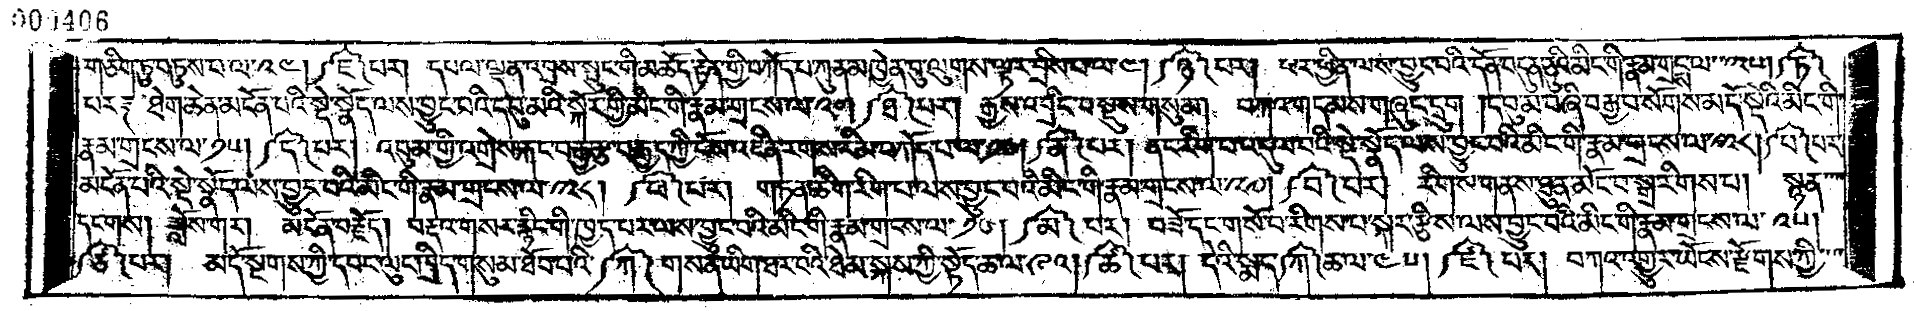གཅིག་ཏུ་བཏུས་པ་ལ༢༤། ༼ཇ༽ པར། དཔལ་ལྡན་འབྲས་སྤུང་གི་མཆོད་རྟེན་གྱི་བཀོད་པ་ཀུན་མཁྱེན་བུ་ལུགས་ལྟར་བྲིས་པ་ལ༤། ༼ཉ༽ པར། ཕར་ཕྱིན་ལས་བྱུང་བའི་དོན་བདུན་ཅུའི་མིང་གི་རྣམས་གྲངས་ལ ༡༣། ༼ཏ༽
པར༑ ཐེག་ཆེན་མངོན་པའི་སྡེ་སྣོད་ལས་བྱུང་བའི་དབུ་མའི་སྐོར་གྱི་མིང་གི་རྣམས་གྲངས་ལ༢༠། ༼ཐ༽ པར། རྒྱས་འབྲིང་བསྡུས་གསུམ། བཀའ་གདམས་གཞུང་དྲུག །དབུ་མ་བཞི་བརྒྱ་བ་སོགས་མདོ་སྡེའི་མིང་གི་
རྣམས་གྲངས་ལ ༡༥། ༼ད༽ པར། འབུམ་གྱི་འགྲེས་རྐང་བརྒྱ་རྩ་བརྒྱད་ཀྱི་ངོས་འཛིན་རགས་རིམ་བཀོད་པ་ལ ༡༦། ༼ན༽ པར། ནང་རིག་པ་འདུལ་བའི་སྡེ་སྣོད་ལས་བྱུང་བའི་མིང་གི་རྣམས་གྲངས་ལ༡༢༨། ༼པ༽ པར་
མངོན་པའི་སྡེ་སྣོད་ལས་བྱུང་བའི་མིང་གི་རྣམས་གྲངས་ལ ༡༢༨། ༼ཕ༽ པར། གཏན་ཚིག་རིག་པ་ལས་བྱུང་བའི་མིང་གི་རྣམས་གྲངས་ལ༢༦། ༼བ༽ པར། རིགས་གནས་ཐུན་མོང་བ་སྒྲ་རིགས་པ། སྙན་
དང་གས། ཟློས་གར། མངོན་བརྗོད། བརྡའ་གསར་རྙིང་གི་ཁྱད་པར་ལས་བྱུང་བའི་མིང་གི་རྣམས་གྲངས་ལ ༡༦། ༼མ༽ པར། བཟོ་དང་གསོ་བ་རིགས་པ་སྐར་རྩིས་ལས་བྱུང་བའི་མིང་གི་རྣམས་གྲངས་ལ ༢༥།
༼ཙ༽ པར། མདོ་སྔགས་ཀྱི་དབང་ལུང་ཁྲིད་གསུམ་ཐོབ་པའི ༼ཀ༽ གསན་ཡིག་ཐར་པའི་ཐེམ་སྐས་ཀྱི་སྟོད་ཆ་ལ ༩༢། ༼ཚ༽ པར། དེའི་སྨད ༼ཀ༽ ཆ་ལ ༤༥། ༼ཛ༽ པར། བཀའ་འགྱུར་ཡོངས་རྫོགས་ཀྱི་